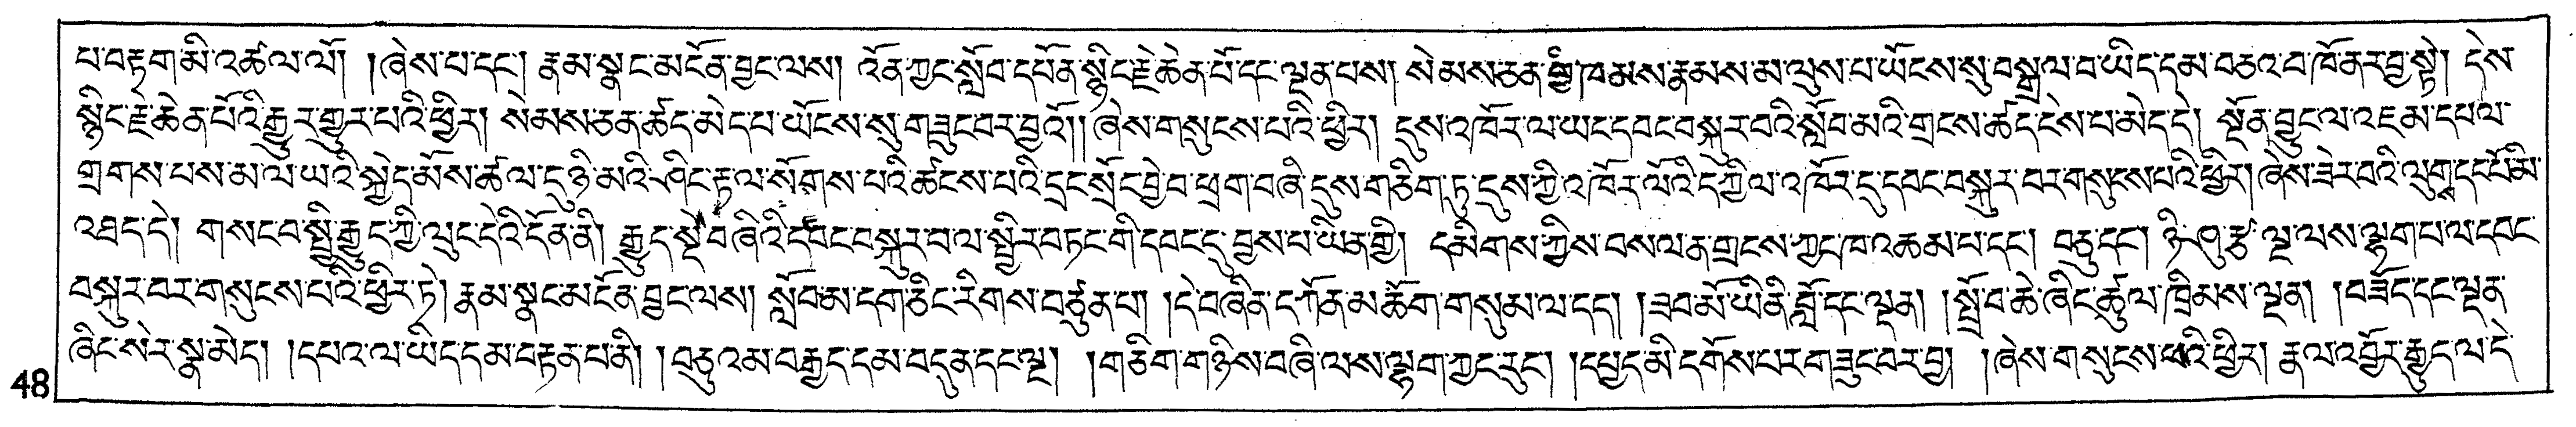པ་བརྟག་མི་འཚལ་ལོ། །ཞེས་པ་དང་། རྣམ་སྣང་མངོན་བྱང་ལས། འོན་ཀྱང་སློབ་དཔོན་སྙིང་རྗེ་ཆེན་པོ་དང་ལྡན་པས། སེམས་ཅན་གྱི་ཁམས་རྣམས་མ་ལུས་པ་ཡོངས་སུ་བསྒྲལ་བ་ཡིད་དམ་བཅའ་བ་ཁོ་ནར་བྱ་སྟེ། དེས་
སྙིང་རྗེ་ཆེན་པོའི་རྒྱུར་གྱུར་པའི་ཕྱིར། སེམས་ཅན་ཚད་མེད་པ་ཡོངས་སུ་གཟུང་བར་བྱའོ། །ཞེས་གསུངས་པའི་ཕྱིར། དུས་འཁོར་ལ་ཡང་དབང་བསྐུར་བའི་སློབ་མའི་གྲངས་ཚད་ངེས་པ་མེད་དེ། སྔོན་བྱུང་ལ་འཇམ་དཔལ་
གྲགས་པས་མ་ལ་ཡའི་སྐྱེད་མོས་ཚལ་དུ་ཉི་མའི་ཤིང་རྟ་ལ་སོགས་པའི་ཚངས་པའི་དྲང་སྲོང་བྱེ་བ་ཕྲག་བཞི་དུས་གཅིག་ཏུ་དུས་ཀྱི་འཁོར་ལོའི་དཀྱིལ་འཁོར་དུ་དབང་བསྐུར་བར་གསུངས་པའི་ཕྱིར། ཞེས་ཟེར་བའི་ལུགས་དང་པོ་མི་
འཐད་དེ། གསང་བ་སྤྱི་རྒྱུད་ཀྱི་ལུང་དེའི་དོན་ནི། རྒྱུད་སྡེ་བཞིའི་དབང་བསྐུར་བ་ལ་སྤྱིར་བཏང་གི་དབང་དུ་བྱས་པ་ཡིན་གྱི། དམིགས་ཀྱིས་བསལ་ན་གྲངས་ཀྱང་ཁ་འཆམ་པ་དང་། བཅུ་དང་། ཉི་ཤུ་རྩ་ལྔ་ལས་ལྷག་པ་ལ་དབང་
བསྐུར་བར་གསུངས་པའི་ཕྱིར་ཏེ། རྣམ་སྣང་མངོན་བྱང་ལས། སློབ་མ་དག་ཅིང་རིགས་བཙུན་པ། །དེ་བཞིན་དཀོན་མཆོག་གསུམ་ལ་དད། །ཟབ་མོ་ཡི་ནི་བློ་དང་ལྡན། །སྤྲོ་བ་ཆེ་ཞིང་ཚུལ་ཁྲིམས་ལྡན། །བཟོད་དང་ལྡན་
ཞིང་སེར་སྣ་མེད། །དཔའ་ལ་ཡིད་དམ་བརྟན་པ་ནི། །བཅུའམ་བརྒྱད་དམ་བདུན་དང་ལྔ། །གཅིག་གཉིས་བཞི་ལས་ལྷག་ཀྱང་རུང་། །དཔྱད་མི་དགོས་པར་གཟུང་བར་བྱ། །ཞེས་གསུངས་པའི་ཕྱིར། རྣལ་འབྱོར་རྒྱུད་ལ་དེ་